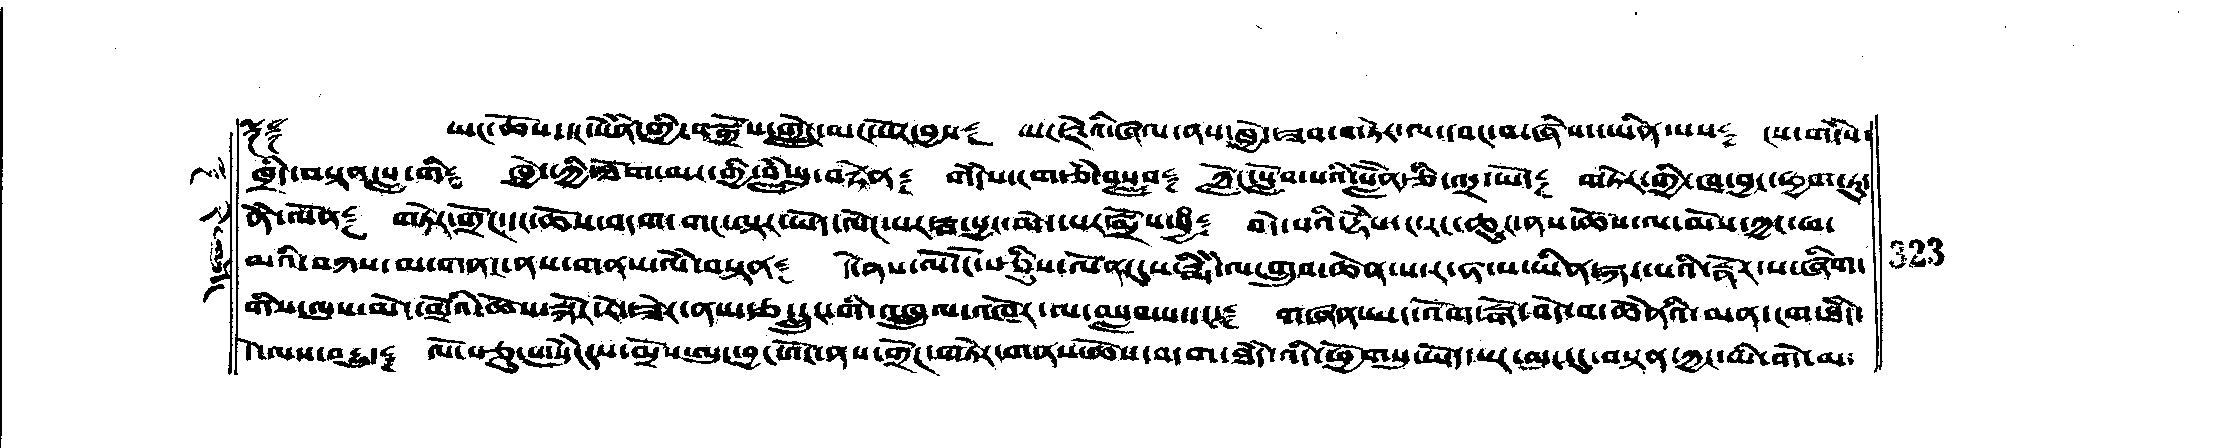ཡང་ཆོས་དང་སེམས་ཅན་གྱི་བགྲོ་གླེང་མང་པོར་བྱས། ཡང་རྗེའི་ཞལ་ནས་ཁྱེད་ཟབ་གཏེར་ལ་དབང་བ་ཞིག་ཡིན་པས། ངས་གདམས་
ཁྲིད་བསྟན་སླ་གི། ཁྱེད་ཀྱི་ཐོག་མར་གྱི་བླ་མ་སུ་བསྟེན། གདམས་ངག་ཅི་བསླབ། ཀློག་སློབ་པའི་སློབ་དཔོན་ཅི་འདྲ་ཡོད། གཏེར་གྱི་ཁ་བྱང་ཕྱག་ཏུ་
ནམ་ལོན། གཏེར་གྲོགས་དང་ཆོས་བདག་གང་ལྟར་ཡོད་ལེགས་པར་སྦ་གསང་མེད་པར་སྨྲོས་གསུང་། བདེ་བའི་རྡོ་རྗེས་ང་རང་ཆུང་ནས་ཆོས་ལ་མོས་ཀྱང་ཕ་
མའི་བཀས་མ་གནང་ནས་གནས་ལམ་བསྟན། དེ་ནས་ལོ་ངོ་བཅུ་གཉིས་ལོན་དུས་རྨི་ལམ་ལ་གྲུབ་ཆེན་ས་ར་ཧ་པ་ཡིན་སྐད་པའི་རྣལ་འབྱོར་པ་ཞིག་
གིས་ལུས་མེད་མཁའ་འགྲོའི་ཆོས་སྐོར་རེད་ཟེར་ནས་རྩ་རླུང་གི་འཁྲུལ་འཁོར་ལ་བསླབས་པ་དང་། གཞན་ཡང་འོག་སྒོ་བདེ་བ་ཆེན་པོའི་མན་ངག་ཐམས་ཅད་
དེ་ལས་བརྒྱུད། ལོ་བཅུ་གསུམ་དུས་མཁའ་འགྲོས་ལུང་བྱང་འོང་ནས་གྲོགས་གཏེར་གནས་ཆོས་བདག་ཐམས་ཅད་འདི་ཕྱོགས་སུ་ཡོད་པར་ལུང་དུ་བསྟན་ཀྱང་ཡི་གེ་མ་